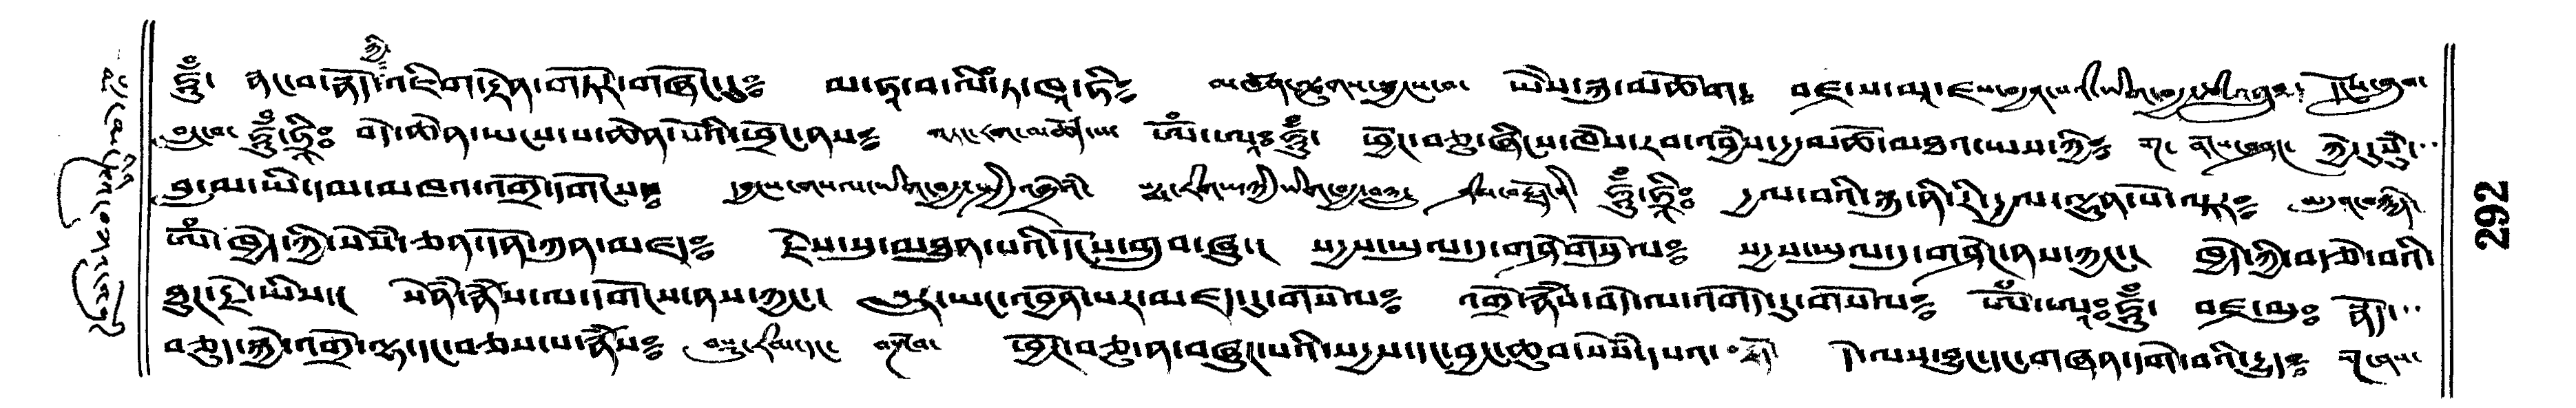ཧཱུྃ༔ས སྣང་བ་སྣོད་ཀྱི་འཇིག་རྟེན་གཏོར་ཞོང་དུ༔ མ་ཧཱ་བྷ་ལིཾ་ཏ་ཁཱ་ཧི༔ མཁོན་བཅུགས་སྦྱོང་བ། ཡེ་ཤེས་སྐུ་མཆོག༴ བཛྲ་ས་མཱ་ཛ ས་བརྒྱན་པའི་ཡིག་བརྒྱ་ཅི་འགྲུབ། དངས་གྲུབ་
བླང་བ། ཧཱུྃ་ཧྲཱི༔ བདེ་ཆེན་ཡངས་པ་ཆེན་པོའི་ཕོ་བྲང་ནས༔ གཏང་རག་མཆོད་པ། ཨོཾ་ཨཱཿཧཱུྃ༔ ཕྱོགས་བཅུ་ཞིང་ཁམས་རབ་འབྱམས་རྒྱ་མཚོ་མཐའ་ཡས་ཀྱི༔ སོགས། ནོངས་བཤགས། ཀྱེ༔དུས་གསུམ་
བླ་མ་ཡི་དམ་མཁའ་འགྲོ་དགོངས༔ དབྱངས་གསལ་ཡིག་བརྒྱ་སྤྱི་འགྲོའམ། པདྨ་རིགས་ཀྱི་ཡིག་བརྒྱ་བཟླ། ཤིས་བརྗོད་ནི། ཧཱུྃ་ཧྲཱི༔ རྒྱལ་བའི་སྐུ་ནི་རི་རྒྱལ་ལྷུན་པོ་ལྟར༔ མདུན་བསྐྱེད། 
ཨོཾ༔ཁྱེད་ཀྱིས་སེམས་ཅན་དོན་ཀུན་མཛད༔ རྗེས་སུ་མཐུན་པའི་དངོས་གྲུབ་ཞུ༔ སངས་རྒྱས་ཡུལ་དུ་གཤེགས་སུ་གསོལ༔ སངས་རྒྱས་ཡུལ་དུ་གཤེགས་ནས་ཀྱང༔ ཁྱེད་ཀྱི་བརྩེ་བའི་
ཐུགས་རྗེ་ཡིས༔ སེམས་ཅན་རྣམས་ལ་དགོངས་ནས་ཀྱང༔ སླར་ཡང་འབྱོན་པར་མཛད་དུ་གསོལ༔ འགྲོ་རྣམས་བདེ་ལ་འགོད་དུ་གསོལ༔ ཨོཾ་ཨཱཿཧཱུྃ༔ བཛྲ་མུཿ སྣོད་
བཅུད་སྐྱེ་འགྲོ་ལྷ་དང་བཅས་པ་རྣམས༔ བསྡུ་རིམ་དང་། བསྔོ་བ། ཕྱོགས་བཅུ་ན་བཞུགས་པའི་སངས་རྒྱས་དང་བྱང་ཆུབ་སེམས་དཔའ༴ བརྗོད། དེ་ལས་བྱུང་དང་བདག་གཞན་དགེ་བའི་རྒྱུད༔སོགས་ནས།